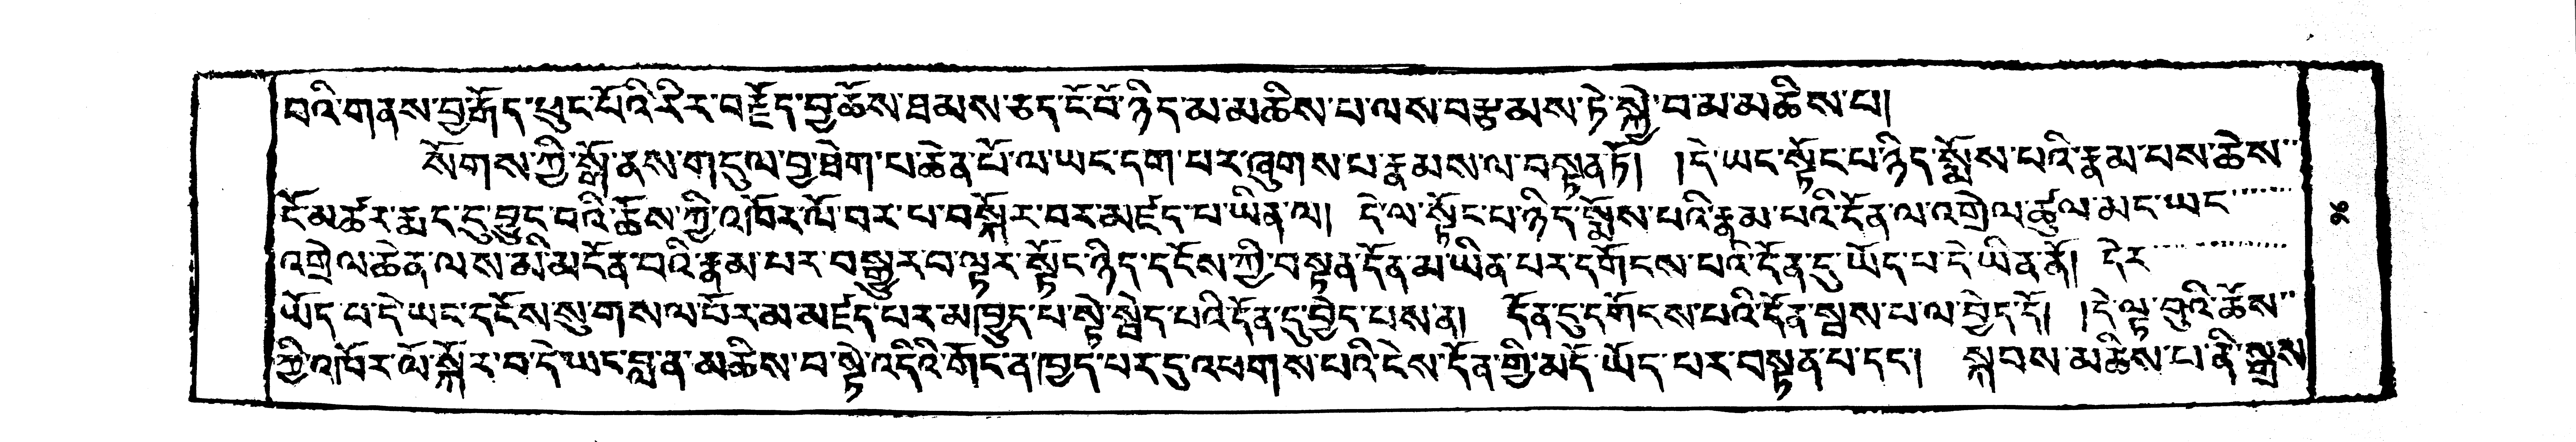བའི་གནས་བྱ་རྒོད་ཕུང་པོའི་རིར་བརྗོད་བྱ་ཆོས་ཐམས་ཅད་ངོ་བོ་ཉིད་མ་མཆིས་པ་ལས་བརྩམས་ཏེ་སྐྱེ་བ་མ་མཆིས་པ།
སོགས་ཀྱི་སྒོ་ནས་གདུལ་བྱ་ཐེག་པ་ཆེན་པོ་ལ་ཡང་དག་པར་ཞུགས་པ་རྣམས་ལ་བསྟན་ཏོ། །དེ་ཡང་སྟོང་པ་ཉིད་སྨོས་པའི་རྣམ་པས་ཆེས་
ངོ་མཚར་རྨད་དུ་བྱུང་བའི་ཆོས་ཀྱི་འཁོར་ལོ་བར་པ་བསྐོར་བར་མཛད་པ་ཡིན་ལ། དེ་ལ་སྟོང་པ་ཉིད་སྨོས་པའི་རྣམ་པའི་དོན་ལ་འགྲེལ་ཚུལ་མང་ཡང་
འགྲེལ་ཆེན་ལས་མི་མངོན་པའི་རྣམ་པར་བསྒྱུར་བ་ལྟར་སྟོང་ཉིད་དངོས་ཀྱི་བསྟན་དོན་མ་ཡིན་པར་དགོངས་པའི་དོན་དུ་ཡོད་པ་དེ་ཡིན་ནོ། དེར་
ཡོད་པ་དེ་ཡང་དངོས་སུ་གསལ་པོར་མ་མཛད་པར་མཁྱུད་པ་སྟེ་སྦེད་པའི་དོན་དུ་བྱེད་པས་ན། དོན་དུ་དགོངས་པའི་དོན་སྦས་པ་ལ་བྱེད་དོ། །དེ་ལྟ་བུའི་ཆོས་
ཀྱི་འཁོར་ལོ་སྐོར་བ་དེ་ཡང་བླ་ན་མཆིས་པ་སྟེ་འདིའི་གོང་ན་ཁྱད་པར་དུ་འཕགས་པའི་ངེས་དོན་གྱི་མདོ་ཡོད་པར་བསྟན་པ་དང་། སྐབས་མཆིས་པ་ནི་སྒྲས་